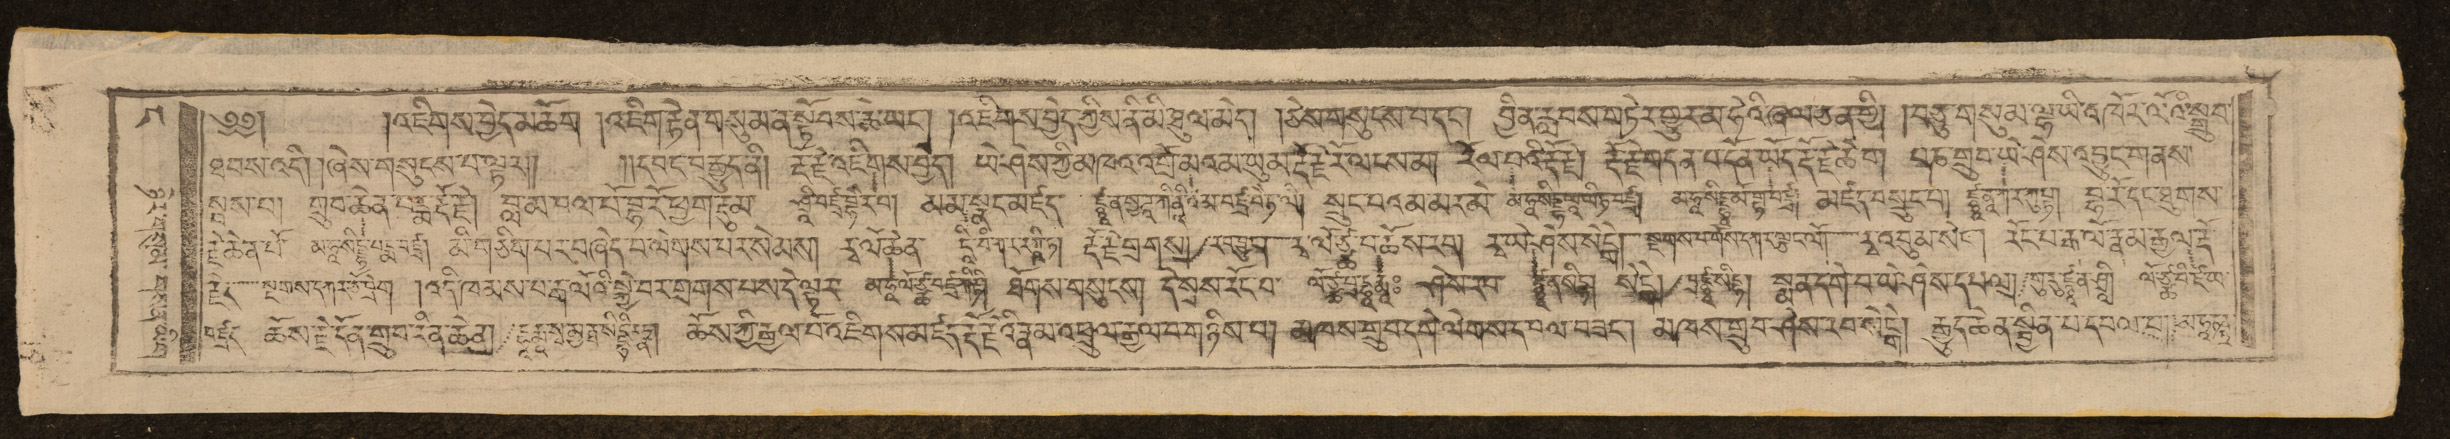༄༅། །འཇིགས་བྱེད་མཆོག །འཇིག་རྟེན་གསུམ་ན་སྟོབས་ཆེ་ཡང་། །འཇིག་བྱེད་ཀྱིས་ནི་མི་ཐུལ་མེད། །ཅེས་གསུངས་པ་དང་། བྱིན་རླབས་གཏེར་གྱུར་མ་ཧེའི་ཞལ་ཅན་གྱི། །བཅུ་གསུམ་ལྷ་ཡི་འཁོར་ལོའི་སྒྲུབ་
ཐབས་འདི། །ཞེས་གསུངས་པ་ལྟར།། །།དབང་བརྒྱུད་ནི། རྡོ་རྗེ་འཇིགས་བྱེད། ཡེ་ཤེས་ཀྱི་མཁའ་འགྲོ་མའམ་ཡུམ་རྡོ་རྗེ་རོ་ལངས་མ། རོལ་པའི་རྡོ་རྗེ། རྡོ་རྗེ་གདན་བ་དོན་ཡོད་རྡོ་རྗེ་ཆེ་པ། པཎ་གྲུབ་ཡེ་ཤེས་འབྱུང་གནས་
སྦས་པ། གྲུབ་ཆེན་པདམ་རྡོ་རྗེ། བླ་མ་པ་ལ་པོ་བྷ་རོ་ཕྱག་རྡུ་མ་ཤྲཱཨི་བཛྲ་བྷི་ར་བ། མ་མ་སྣང་མཛད་ཛྙཱ་སྱཱ་དཱ་ཀི་ནཱི་འམ་བ?སྲུང་བའམ་མར་མེ་མ་ཧཱ་སི་དྡྷ་ལཱ་ལི་ཏ་བཛྲ། མཛད་བསྲུང་པ། ཛྙཱ་ནཱ་ཀུ་བྷ། བྷ་རོ་དང་ཐུགས་
རྗེ་ཆེན་པོ་མ་ཧཱ་སིདྡྷ་པདམ་བཛྲ། མི་གཅིག་པར་བཞེད་པ་ལེགས་པར་སེམས། རྭ་ལོ་ཆེན་དཱི་བཾ་ཀར་ར་ཀཥི་ཏ། རྡོ་རྗེ་བྲགས། རབ་བྱུང་། རྭ་ལོ་ཙྪ་པ་ཆོས་རབ། རྭ་ཡེ་ཤེས་སེངྒེ། སྡགས་པ་གོས་དཀར་ལྕང་ལོ། རྭ་འབུམ་སེང་། རོང་བ་རྒྱལ་རྣམ་རྒྱལ་རྡོ་
རྗེ༑ སྔབས་དཀར་ཅོ་བྲེག །འདི་ཁམས་པ་རྒ་ལོའི་སྐྱེ་བར་གྲགས་པས་དེ་ལྟར་མ་ཧཱ་ལོ་ཙྪ་བཛྲ་ཀི་རྟི། ཐོགས་གསུངས། དེ་སྲས་རོང་པ་ལོ་ཙྪ་པྲ་དྷཱ་རྨཱཿ ཤེས་རབ་ཛྙཱ་ན་སི་དྷ། སྔྒཻ། པྲ་ཛྙཱ་སིདྷ། སྨན་དགེ་བ་ཡེ་ཤེས་དཔལ། གུ་རུ་ཛྙཱ་ན་ཤྲའི། ལོ་ཙྪ་བི་ཛ་ཡ་
བྫྲ༑ ཆོས་རྗེ་དོན་གྲུབ་རིན་ཆེན། དྷཱ་རྨཱ་སྭ་མྱ་རྠ་སི་དྡྷི་རཏྣ། ཆོས་ཀྱི་རྒྱལ་པོ་འཇིགས་མཛད་རྡོ་རྗེའི་རྣམ་འཕྲུལ་རྒྱལ་བ་གཉིས་པ། མཁས་གྲུབ་དགེ་ལེགས་དཔལ་བཟང་། མཁས་གྲུབ་ཤེས་རབ་སེངྒེ། རྒྱུད་ཆེན་སྦྱིན་པ་དཔལ་བ། མ་ཧཱ་ནྟྲ་